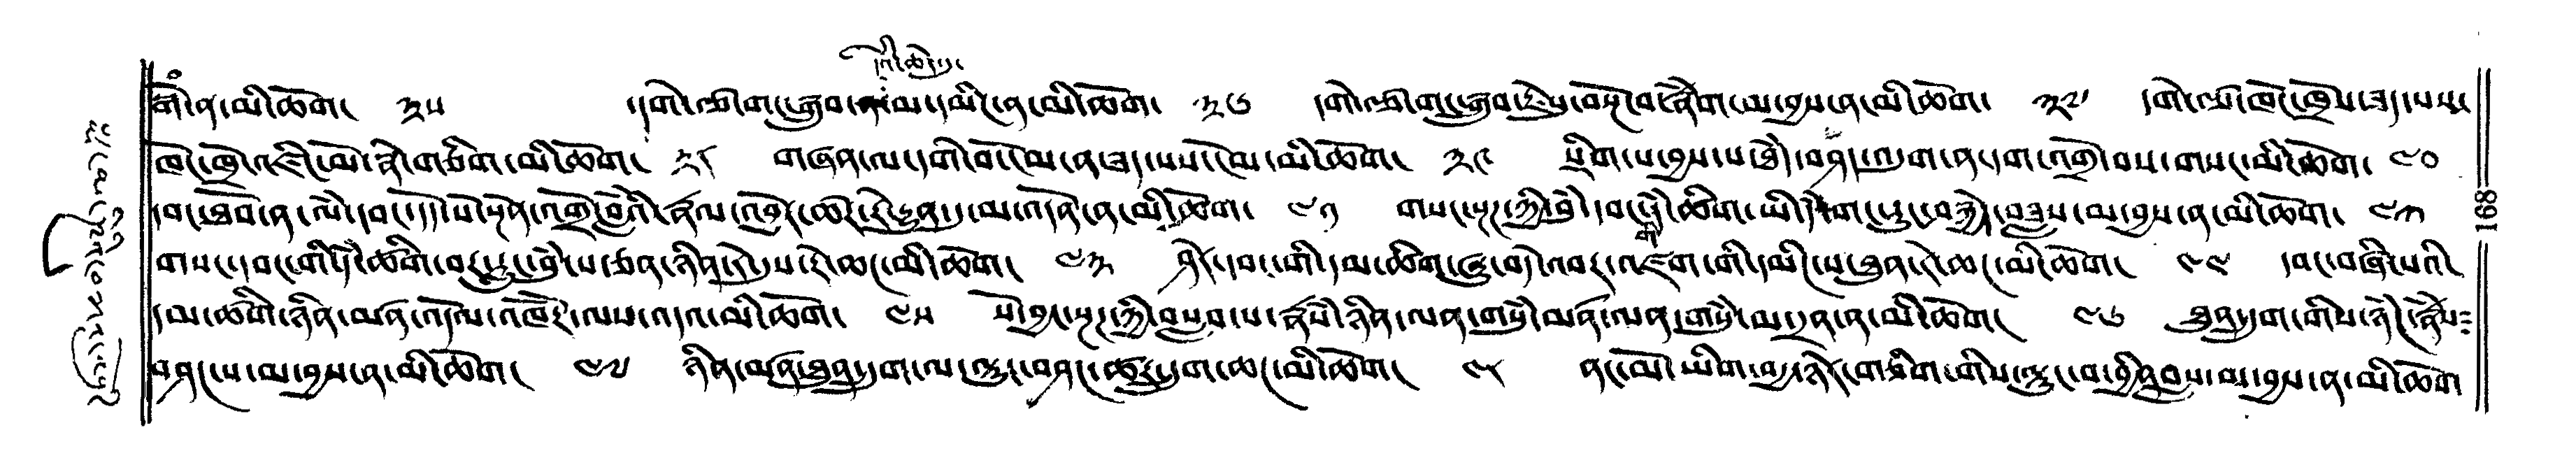སྒོམ་ན་མི་ཆོག ༣༥ དགེ་རྩ་གང་སྒྲུབ་དེའི་ཆེད་དུ་མ་དམིགས་ན་མི་ཆོག ༣༦ དགེ་རྩ་གང་སྒྲུབ་རྗེས་སུ་བསྔོ་བ་རྣམ་དག་མ་བྱས་ན་མི་ཆོག ༣༧ དགེ་རྩ་ཁོང་ཁྲོས་ཟད་པས་
ཁོང་ཁྲོ་འཛིང་མོ་སྣེ་གཅིག་མི་ཆོག ༣༨ གཞན་ལ་དགེ་བ་ངོམ་ན་ཟད་པས་ངོམ་མི་ཆོག༣༩ སྡིག་པ་བྱས་པ་ཐམས་ཅད་བཤད་ན་དག་འགྲོ་བས་གསང་མི་ཆོག ༤༠
དབང་ཐོབ་ན་ལམ་དབང་དོད་པོ་སྔོན་འགྲོ་བླ་མའི་རྣལ་འབྱོར་ཚར་རེ་རྒྱུན་དུ་མ་འདོན་ན་མི་ཆོག ༤༡ གསང་སྔགས་ཀྱི་བུམ་དབང་གི་དམ་ཚིག་ཡི་དམ་གང་རུང་བསྐྱེད་བཟླས་མ་བྱས་ན་མི་ཆོག ༤༢ 
གསང་དབང་གི་དམ་ཚིག་བར་རླུང་བུམ་པ་ཅན་ཉིན་རེར་དུས་རེ་ཆག་མི་ཆོག ༤༣ ཤེར་དབང་གི་དམ་ཚིག་ཞུ་བདེ་བར་འཛག་གི་དམིགས་པ་ཐུན་རེ་ཆག་མི་ཆོག ༤༤ དབང་བཞི་པའི་
དམ་ཚིག་ཉིན་མཚན་འོད་གསལ་འཁོར་ལོ་ལས་འདའ་མི་ཆོག ༤༥ སོ་བྱང་སྔགས་ཀྱི་བསླབ་པ་རྣམས་ཉིན་ལན་གསུམ་མཚན་ལན་གསུམ་མ་དྲན་ན་མི་ཆོག ༤༦ ཐུན་དྲུག་གིས་ཉམས་རྣམས་
བཤགས་པ་མ་བྱས་ན་མི་ཆོག ༤༧ ཉིན་མཚན་ཐུན་དྲུག་ལ་ལྟུང་བཤགས་ཚར་དྲུག་ཆག་མི་ཆོག ༤༨ ནངས་མོ་ཡིག་བརྒྱ་ཉེར་གཅིག་གིས་ལྟུང་བ་བྱིན་རླབས་མ་བྱས་ན་མི་ཆོག